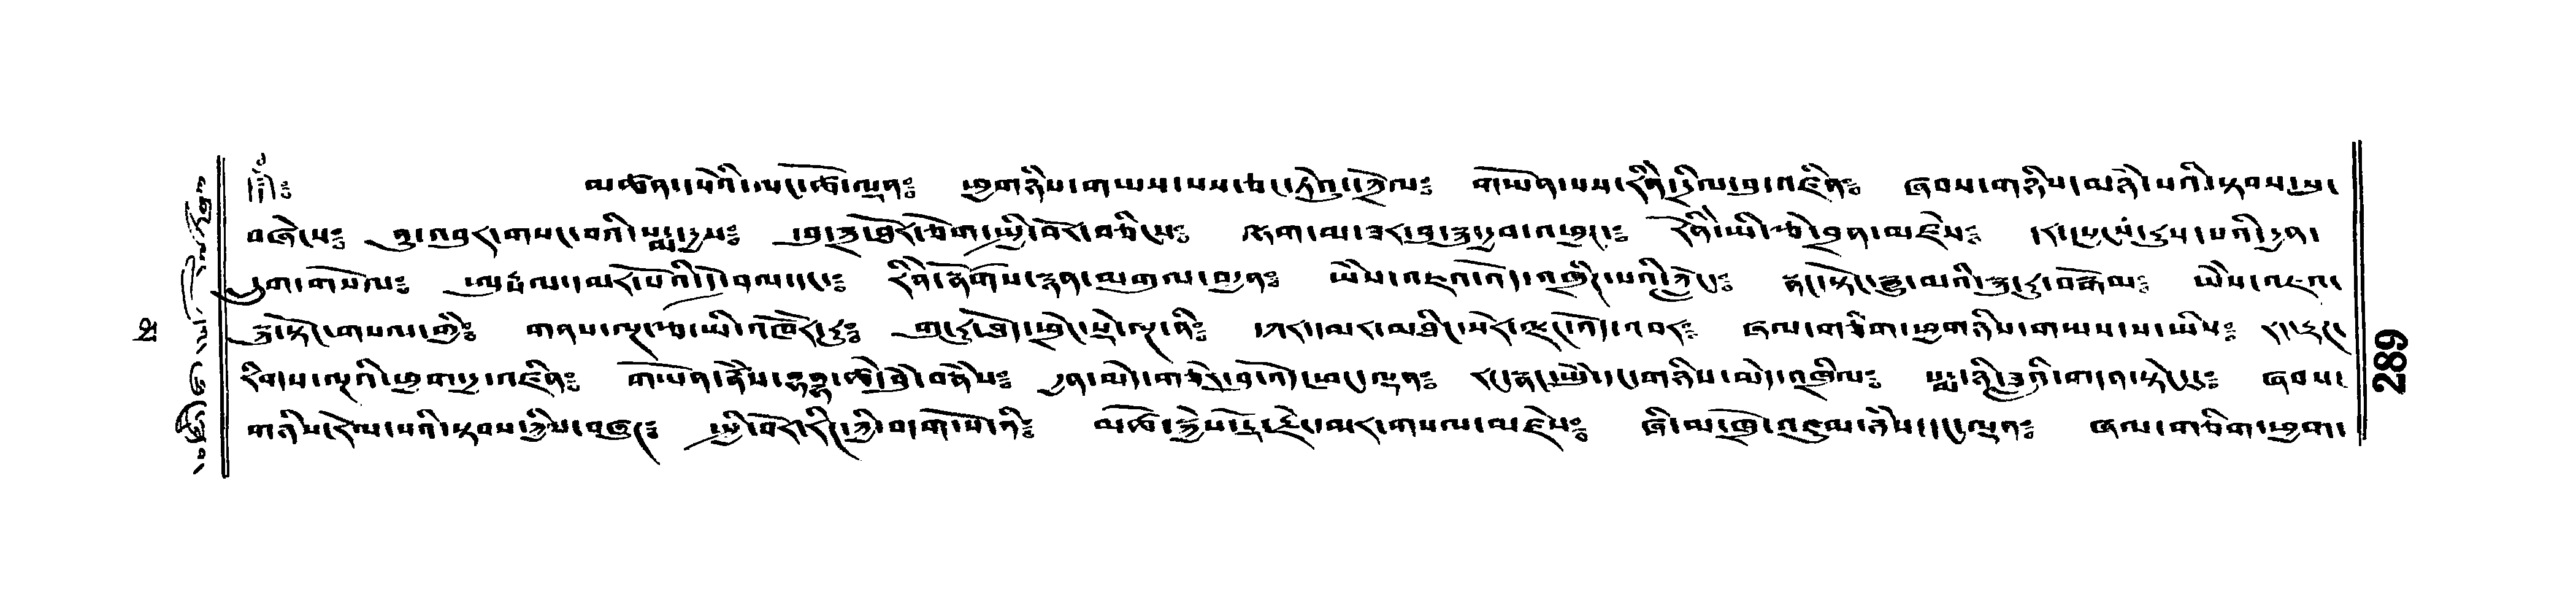མཚན་དཔེའི་ལང་ཚོ་ལྡན༔ ཕྱག་གཉིས་གཡས་པས་ཅང་ཏེའུ་དཀྲོལ༔ གཡོན་པས་རིན་ཆེན་དྲིལ་བུ་འཛིན༔ ཞབས་གཉིས་མཉམ་པའི་སྟབས་སུ་
བཞེངས༔ ནུ་འབུར་གསང་བའི་པདྨ་རྒྱས༔དབུ་སྐྲ་ཐོར་ཅོག་སྤྱི་བོར་བཅིངས༔ ལྷག་མ་ཟར་བུ་སྐུ་རྒྱབ་འཕྱང༔ རིན་པོ་ཆེ་ཡི་རྩེ་བྲན་མཛེས༔ དར་དཔྱངས་རུས་པའི་རྒྱན་
དྲུག་གསོལ༔ ཨུཏྤལ་དམར་པོའི་དོ་ཤལ་དང༔ རིན་ཆེན་སྣ་ཚོགས་སྙན་མགུལ་བརྒྱན༔ ཡེ་ཤེས་འཇའ་འོད་འཁྲིགས་པའི་ཀློང༔ སྣང་སྟོང་སྒྱུ་མའི་སྐུ་རུ་བསྒོམ༔ ཡེ་ཤེས་འཇའ་
སྐུ་སྟོང་གསལ་གྱི༔ གནས་ལྔ་རྩ་ཡི་འཁོར་ལོ་རུ༔ གུ་རུ་ཐོད་ཕྲེང་ལྡེ་ལྔ་ནི༔ དཀར་དམར་མཐིང་སེར་ལྗང་འོད་འབར༔ ཞལ་གཅིག་ཕྱག་གཉིས་གཡས་པ་ཡིས༔ རང་རྟགས་
རིགས་ལྔའི་ཕྱག་རྒྱ་འཛིན༔ གཡོན་རྣམས་བྷནྡྷ་ཚེ་བུམ་བསྣམས༔ རྒྱན་མེད་གཅེར་བུ་འོད་ཕུང་ལྡན༔ རང་སྣང་ཡུམ་དང་གཉིས་མེད་འཁྲིལ༔ པདྨ་ཉི་ཟླའི་གདན་སྟེང་དུ༔ ཞབས་
གཉིས་རོལ་པའི་སྟབས་ཀྱིས་བཞུགས༔ སྤྱི་བོར་རིགས་ཀྱི་བདག་པོ་ནི༔ མཚོ་སྐྱེས་རྡོ་རྗེ་དམར་གསལ་མཛེས༔ ཞི་མ་ཁྲོ་འཛུམ་ཉམས་དང་ལྡན༔ ཞལ་གཅིག་ཕྱག་